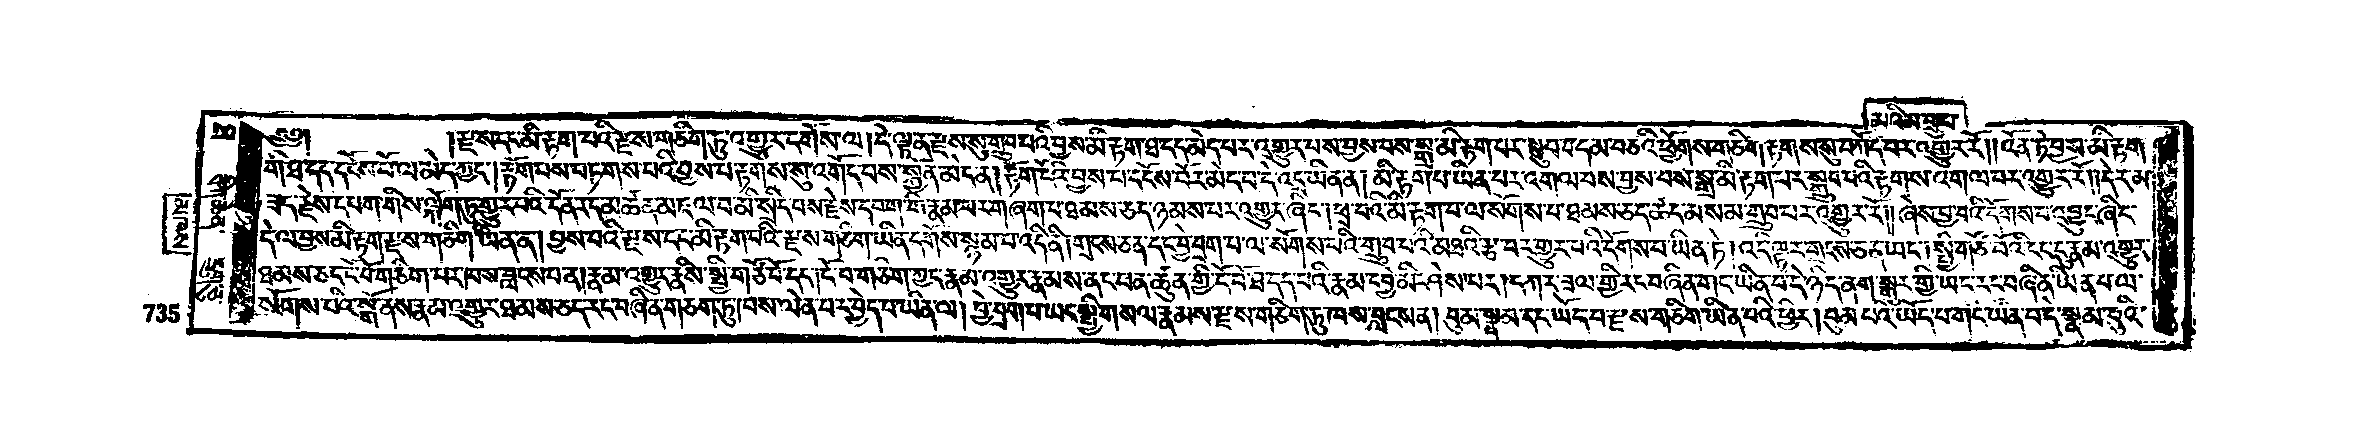༄༅། །རྫས་དང་མི་རྟག་པའི་རྫས་གཅིག་ཏུ་འགྱུར་དགོས་ལ། དེ་ལྟ་ན་རྫས་སུ་གྲུབ་པའི་བྱས་མི་རྟག་ཐ་དད་མེད་པར་འགྱུར་པས་བྱས་པས་སྒྲ་མི་རྟག་པར་སྒྲུབ་པ་དམ་བཅའི་ཕྱོགས་གཅིག་རྟགས་སུ་བཀོད་མའི་མ་གྲུབ་པར་འགྱུར་རོ། །འོན་ཏེ་བྱས་མི་རྟག་
གི་ཐ་དད་དངོས་པོ་ལ་མེད་ཀྱང་། རྟོག་པས་བཏགས་པའི་བྱས་པ་རྟགས་སུ་འགོད་པས་སྐྱོན་མེད་ན། རྟོག་དོའི་བྱས་པ་དངོས་པོར་མེད་པ་དེ་འདྲ་ཡིན་ན། མི་རྟག་པ་ཡིན་པར་འགལ་བས་བྱས་པས་སྒྲ་མི་རྟག་པར་སྒྲུབ་པའི་རྟགས་འགལ་བར་འགྱུར་རོ། །དེར་མ་
ཟད་རྗེས་དཔག་གིས་ལྐོག་ཏུ་གྱུར་པའི་དོན་རང་མཚན་མཇལ་བ་མི་སྲིད་པས་རྗེས་དཔག་གི་རྣམ་པར་གཞག་པ་ཐམས་ཅད་ཉམས་པར་འགྱུར་ཞིང་། ཕྲ་བའི་མི་རྟག་པ་ལ་སོགས་པ་ཐམས་ཅད་ཚད་མས་མ་གྲུབ་པར་འགྱུར་རོ། །ཞེས་བྱ་བའི་དོགས་པ་འབྱུང་ཞིང་
དེ་ལ་བྱས་མི་རྟག་རྫས་གཅིག་ཡིན་ན། བྱས་པའི་རྫས་དང་མི་རྟག་པའི་རྫས་གཅིག་ཡིན་དགོས་སྙམ་པ་འདི་ནི། གྲངས་ཅན་དང་བྱེ་བྲག་པ་ལ་སོགས་པའི་གྲུབ་པའི་མཐའི་རྩ་བར་གྱུར་པའི་དོགས་པ་ཡིན་ཏེ། འདི་ལྟར་གྲངས་ཅན་ཡང་། སྤྱི་གཙོ་བོའི་དང་དུ་རྣམ་འགྱུར་
ཐམས་ཅད་ངོ་བོ་གཅིག་པར་ཁས་བླངས་པ་ན། རྣམ་འགྱུར་རྣམས་སྤྱི་གཙོ་བོ་དང་། ངོ་བོ་གཅིག་ཀྱང་རྣམ་འགྱུར་རྣམས་ནང་ཕན་ཚུན་གྱི་ངོ་བོ་ཐ་དད་པའི་རྣམ་དབྱེ་མི་ཤེས་པར། དཀར་ཟལ་གྱི་རང་བཞིན་གང་ཡིན་པ་དེ་ཉིད་ནག་སྒུར་གྱི་ཡང་རང་བཞིན་ཡིན་པ་ལ་
སོགས་པའི་སྒོ་ནས་རྣམ་འགྱུར་ཐམས་ཅད་རང་བཞིན་གཅིག་ཏུ་ཁས་ལེན་པར་བྱེད་པ་ཡིན་ལ། བྱེ་བྲག་པ་ཡང་སྤྱིགས་ལ་རྣམས་རྫས་གཅིག་ཏུ་ཁས་བླངས་ན། བུམ་སྣམ་དང་ཡོད་པ་རྫས་གཅིག་ཡིན་པའི་ཕྱིར། བུམ་པའི་ཡོད་པ་གང་ཡིན་པ་དེ་རྣམ་བུའི་